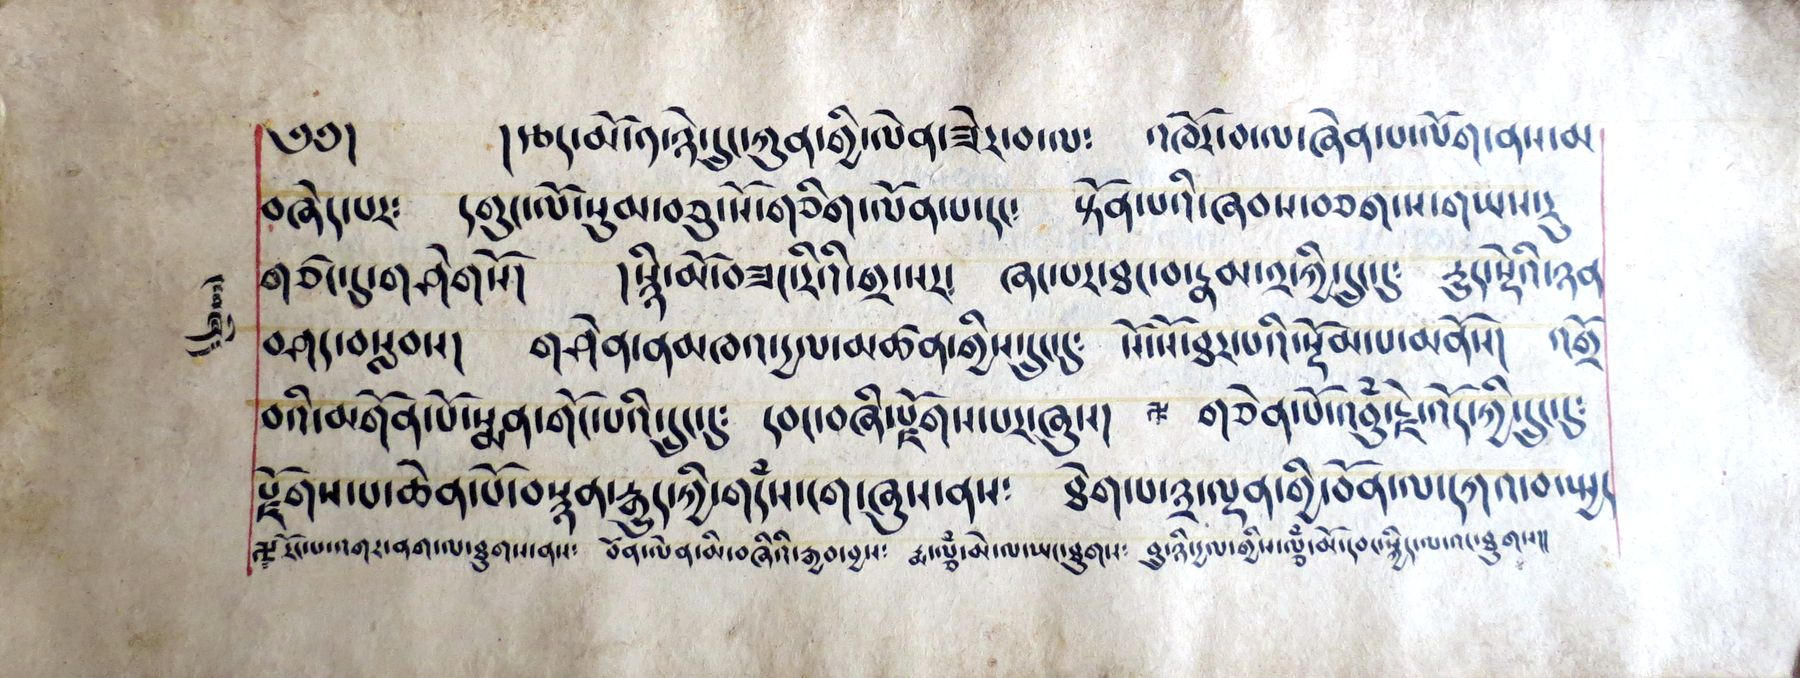རྩད་མོ་ཅིག་ཉེ་དྲུང་ཀུན་གྱིས་ལེན་ཟེར་བ་ལ། འཁོར་བ་ལ་ཞེན་པ་ལོག་ནས་མ་
བཞེད་པར། དགུང་ལོ་སུམ་ཅུ་སོ་གཅིག་ལོན་པ་དང་། སྟོན་པའི་ཞབས་བཅག་ས་གཡས་རུ་
གཙང་དུ་གཤེགས་སོ། །སྙི་མོ་བཟང་རིའི་གྲྭ་སར། ཞང་བར་ཐང་པ་རྣམ་གཉིས་ཀྱི་དྲུང་དུ། རྒྱུད་སྡེའི་ཉན་
བཤད་བསླབས། གཤེན་ནམ་མཁའ་རྒྱལ་མཚན་གྱི་དྲུང་དུ། སོ་སོར་ཐར་པའི་སྡོམ་པ་མནོས། འགྲོ་
བའི་མགོན་པོ་སྨན་གོང་བའི་དྲུང་དུ། དབང་བཞི་རྫོགས་པར་ཞུས། གཅེན་པོ་འབུམ་རྗེ་འོད་ཀྱི་དྲུང་དུ། 
རྫོགས་པ་ཆེན་པོ་སྙན་རྒྱུད་ཀྱི་གདམས་ངག་ཞུས་ནས། ཐེག་པ་གསུམ་ལྡན་གྱི་བོན་ལ་དཀའ་བ་སྤྱད་
རོང་པ་མགར་ནག་ལ་ཐུག་ནས་བོན་ལེན་མི་བཞིའི་རྒྱབ་བྱས། རྨ་ལྕམ་མེ་ལ་ཡང་ཐུག བྲུ་ཉི་རྒྱལ་གྱི་ལྕམ་མོ་དབང་སྐྱིད་ལ་ཡང་ཐུག